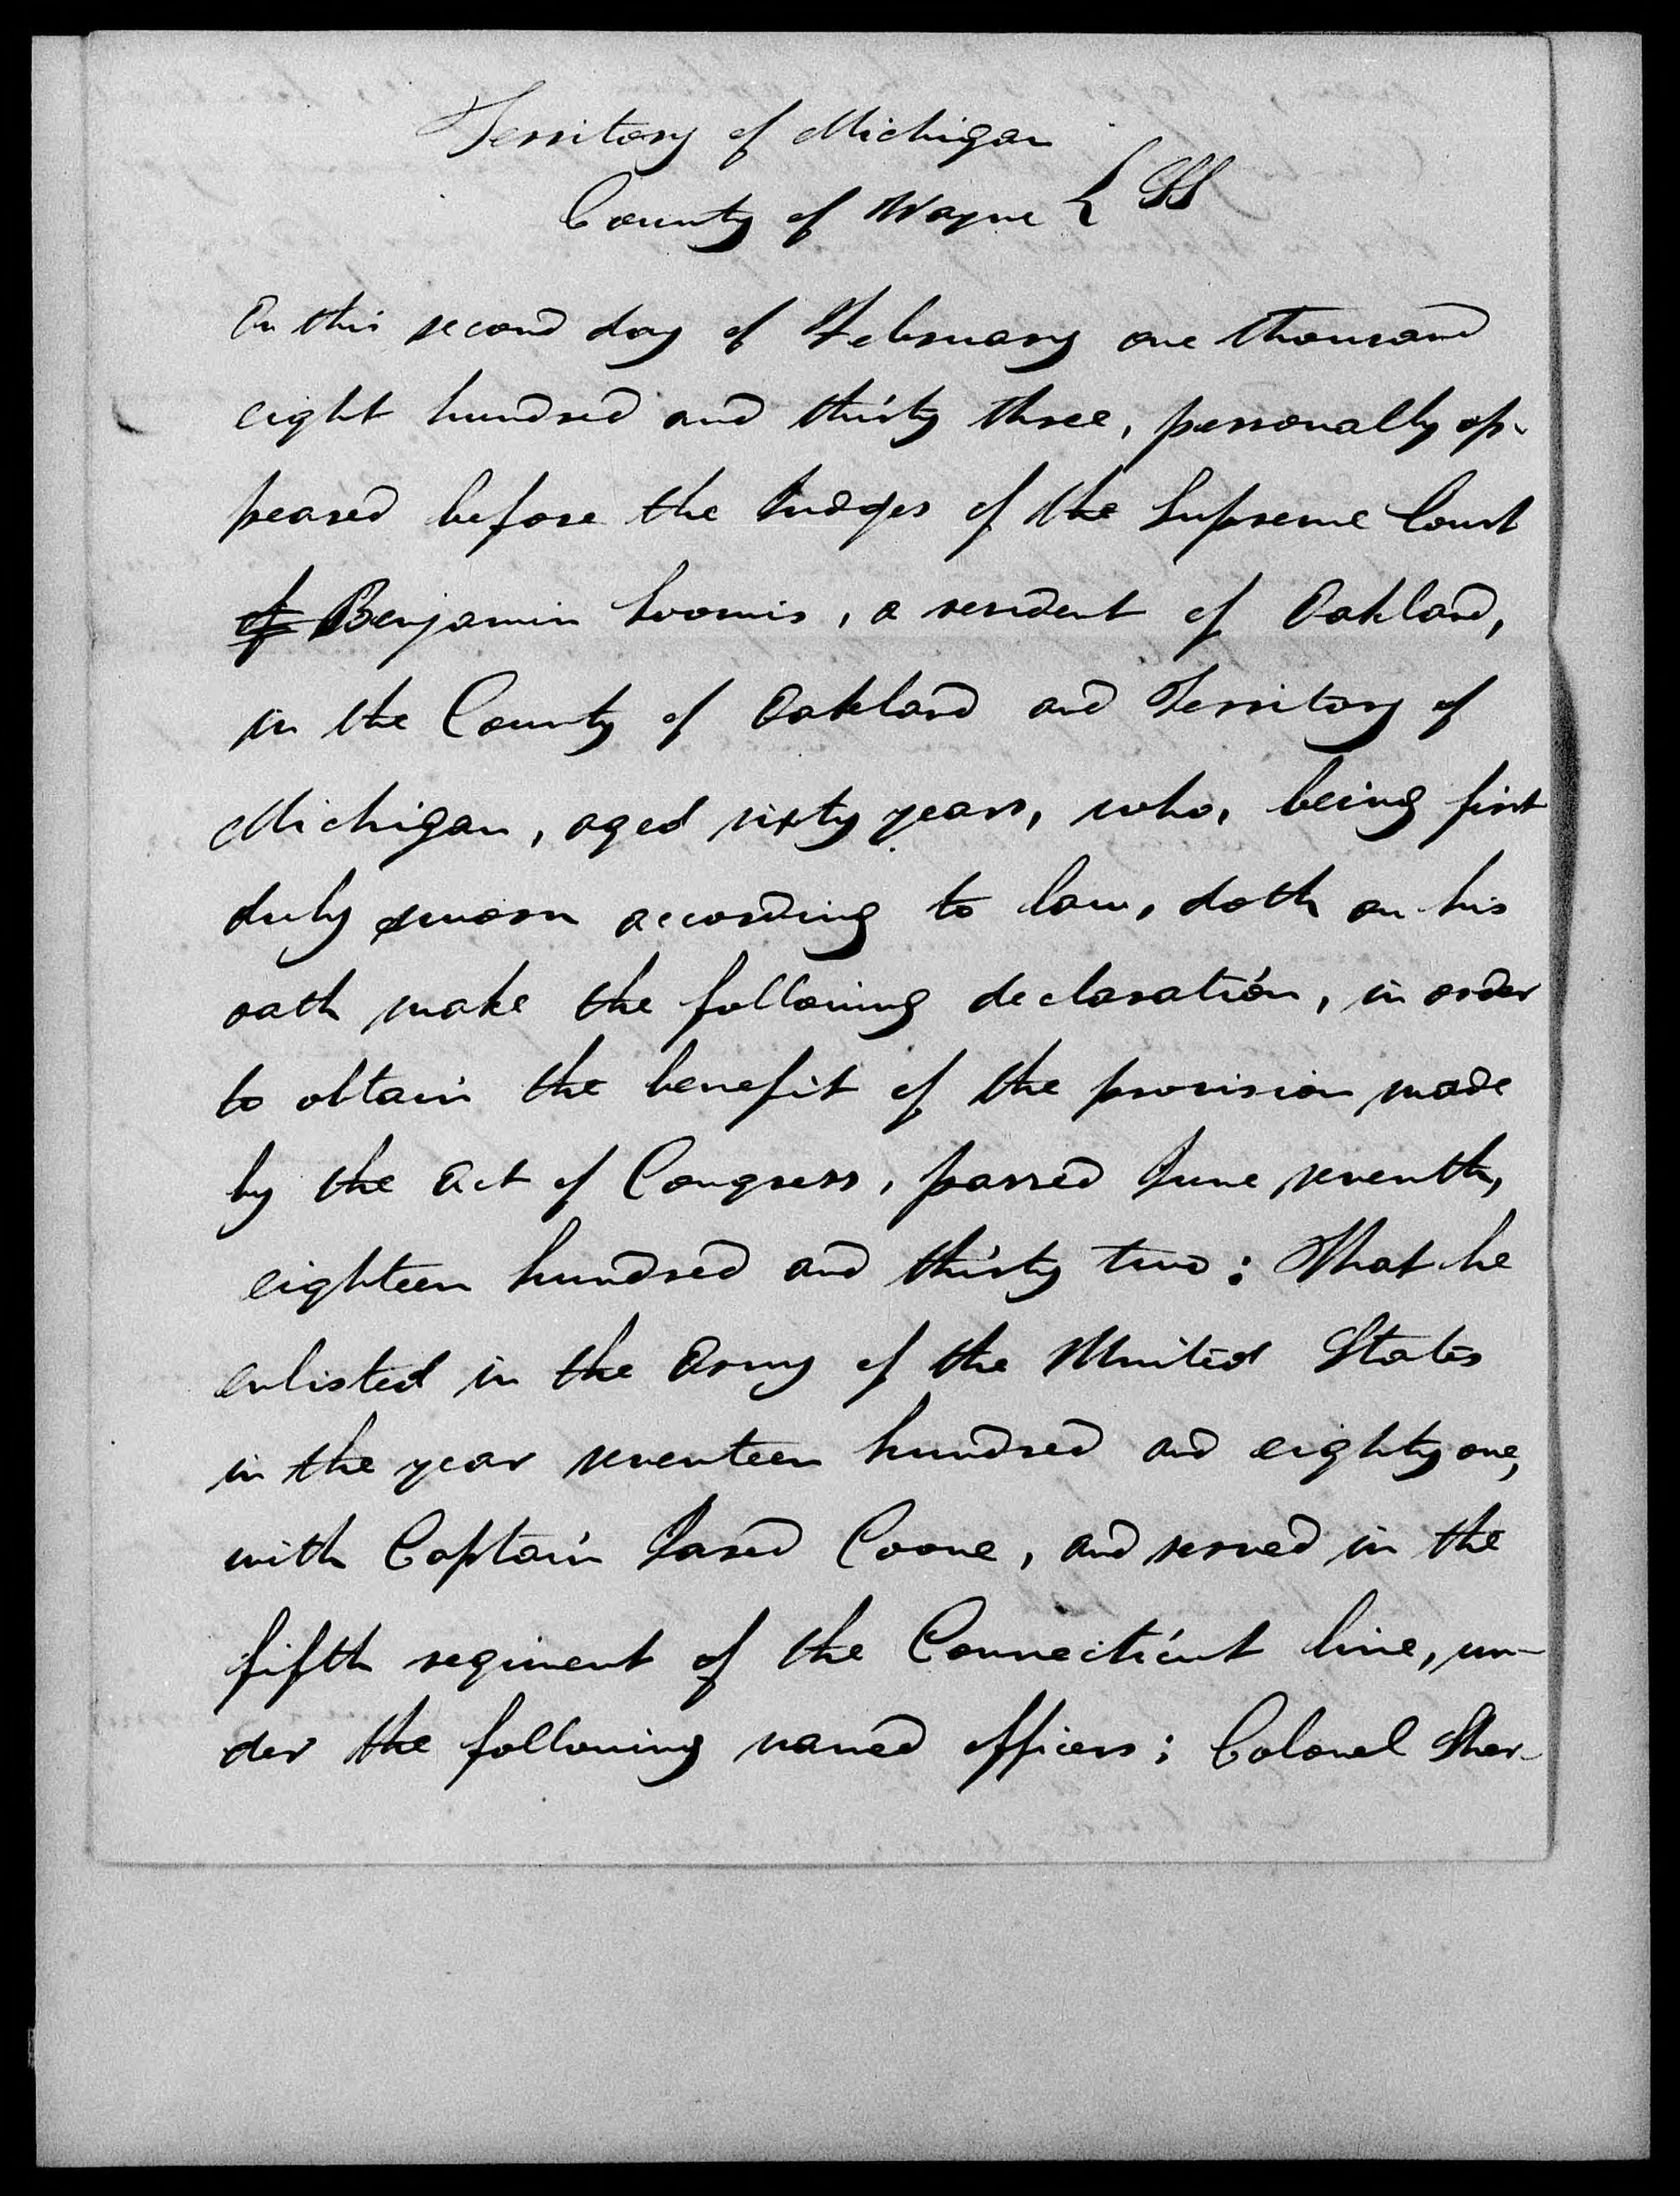Territory of Michigan
County of Wayne SS

On this second day of February one thousand eight hundred and thirty three, personally appeared before the Judges of the Supreme Court [crossed out] Benjamin Loomis, a resident of Oakland, in the County of Oakland and Territory of Michigan, aged sixty years, who, being first duly sworn according to law, doth on his oath make the following declaration, in order to obtain the benefit of the pension made by the Act of Congress passed June seventh, eighteen hundred and thirty two: That he enlisted in the Army of the United States in the year seventeen hundred and eighty one, with Captain James Coone, and served in the fifth requirement of the Connecticut line, under the following named officers: Colonel Sher -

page: 5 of 13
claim: rejected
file: R. 6441, for Benjamin Loomis, Connecticut